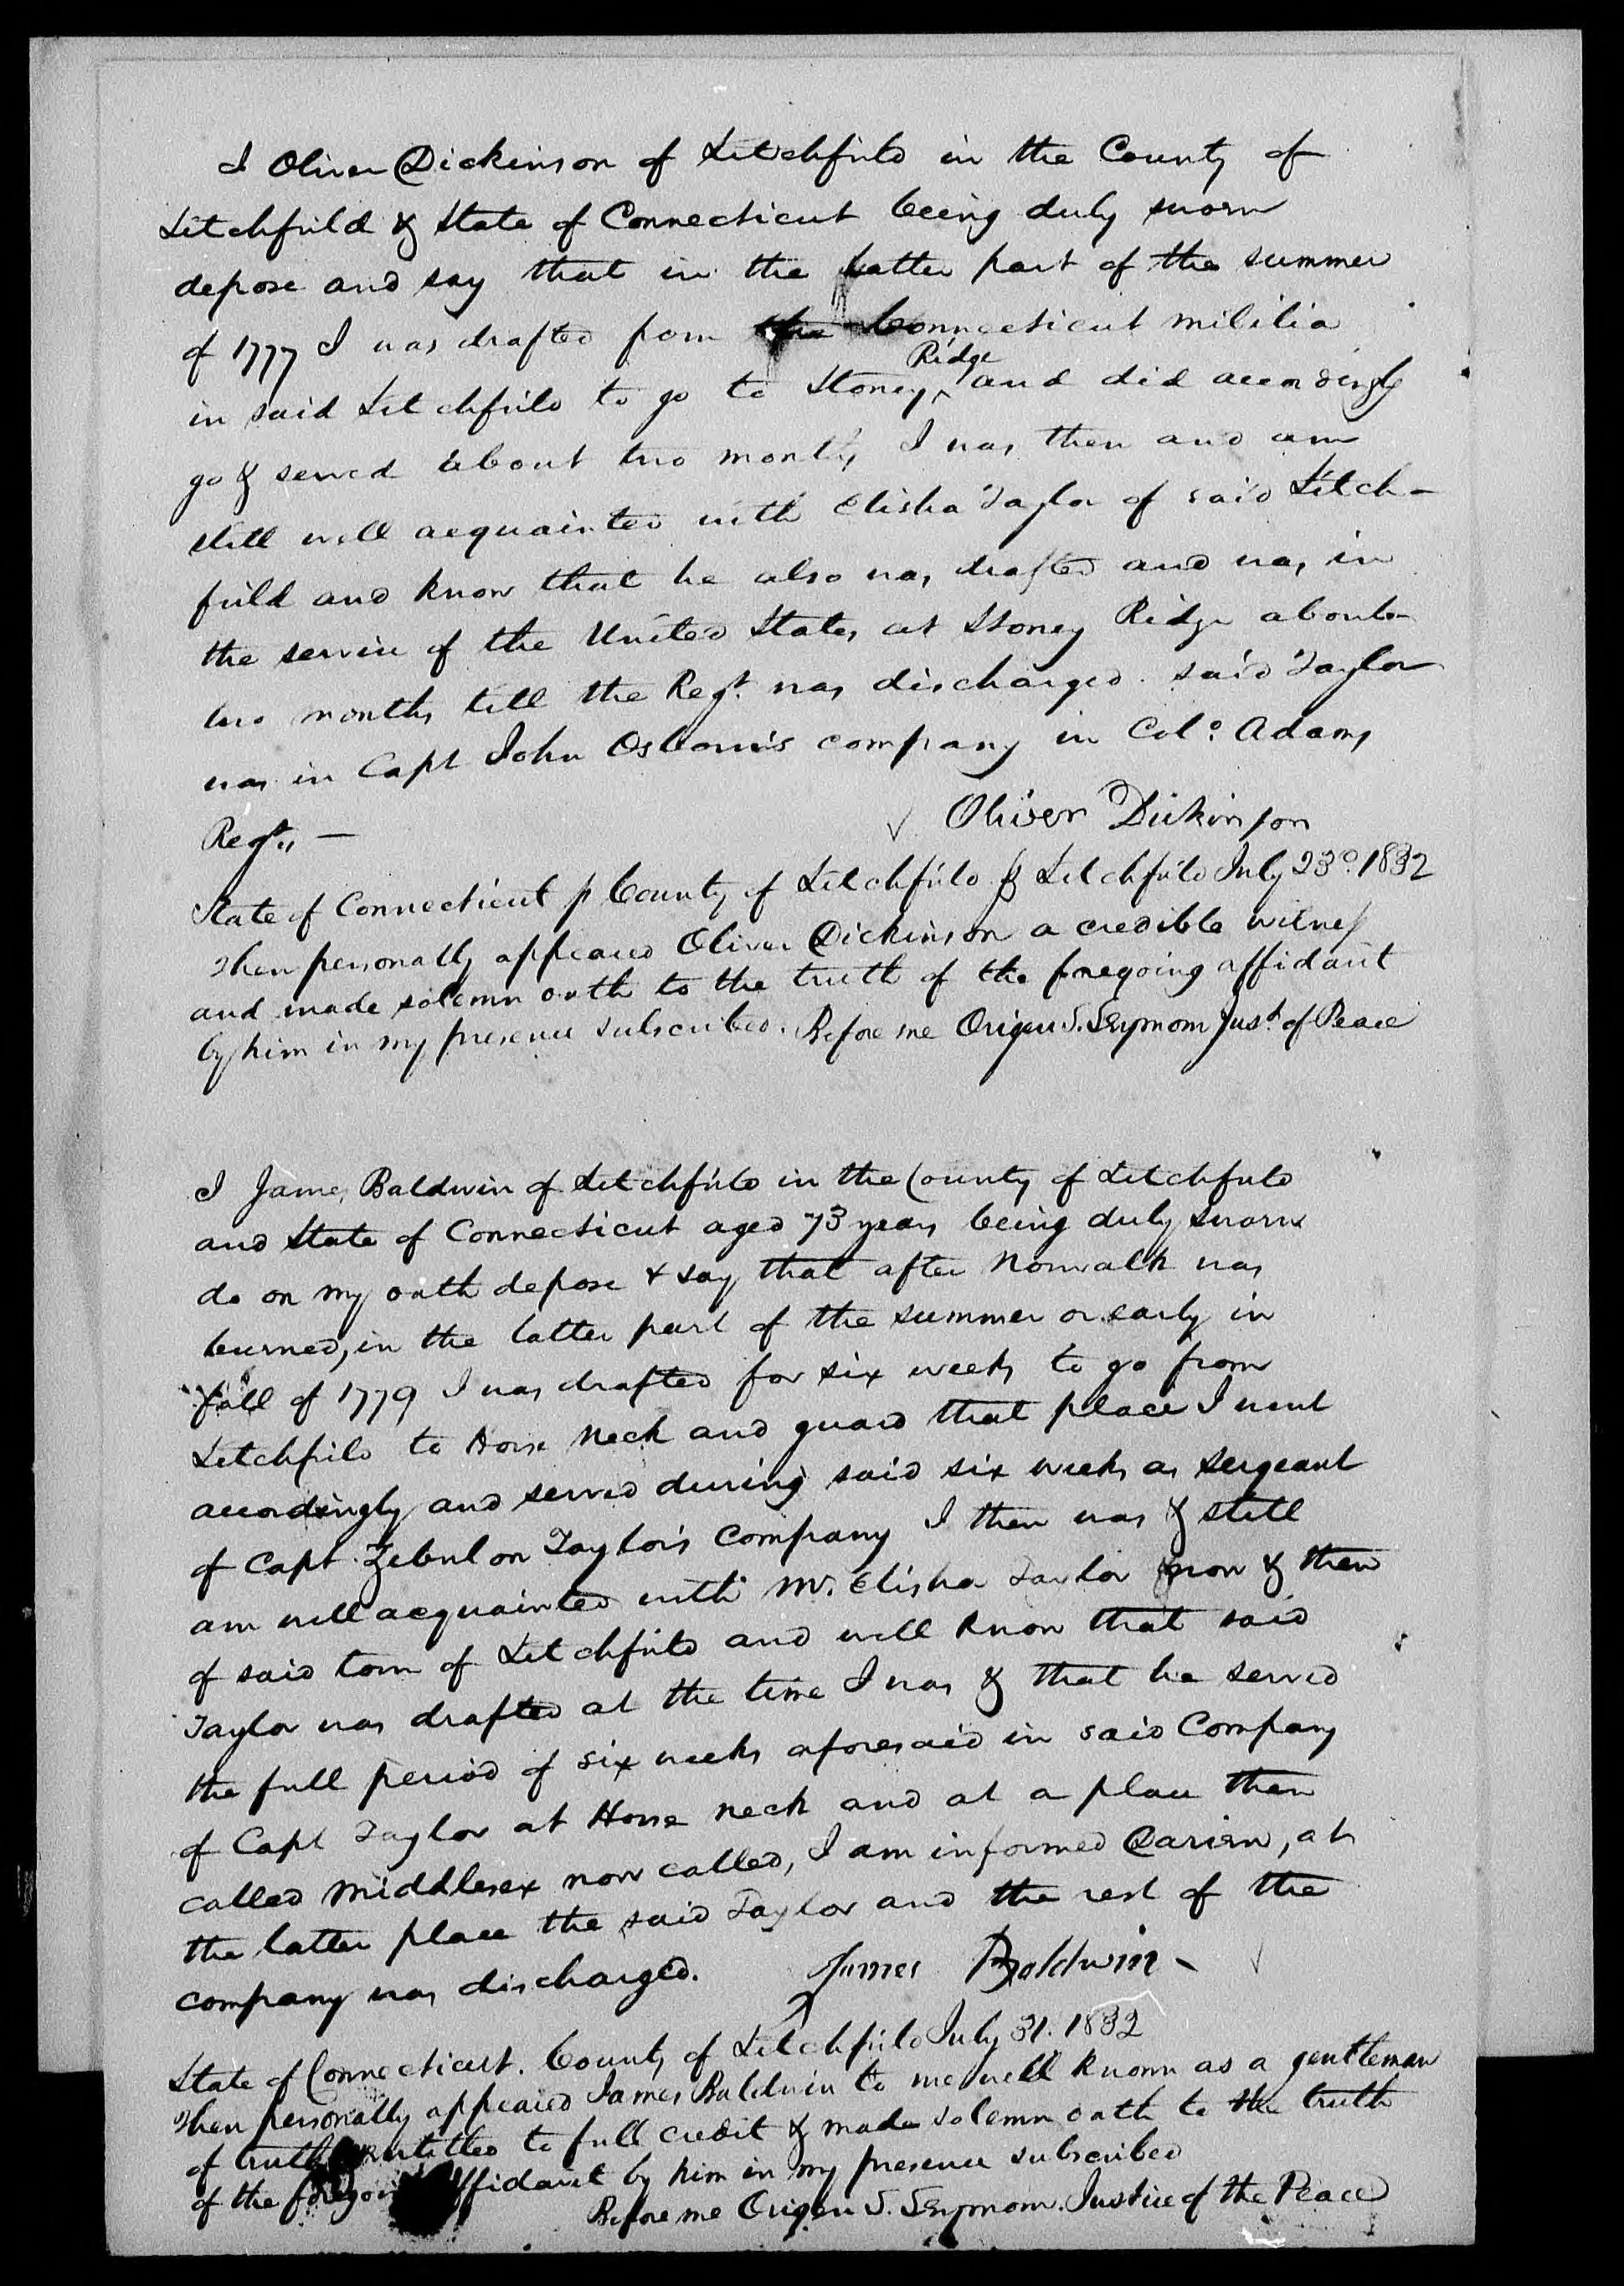I Oliver Dickinson of Litchfield in the County of Litchfield of State of Connecticut being duly sworn depose and say that in the latter part of summer of 1777 I was drafted from the Connecticut militia in said Litchfield to go to Stoney Ridge and did accordingly go & served about two months. I was then and am still well acquainted with Elisha Taylor of said Litchfield and know that he also was drafted and was in the service of the United States at Stoney Ridge about two months till the Regt. was discharged. Said Taylow was in Capt John Osborn's company in Col Adams Regt.
Oliver Dickinson
State of Connecticut  & County of Litchfield & Litchfield July 23d 1832 when personally appeared Oliver Dickinson a credible witness and made solemn oath to the truth of the foregoing affidavit by him in my presence subscribed before me Origen Saymour Just. of Peace

I James Baldwin of Litchfield in the County of Litchfield and State of Coneecticut aged 73 years being duly sworn do on my oath depose & say that after Norwalk was burned in the latter part of the summer or early in the fall of 1779. I was drafted for six weeks to go from Litchfield to Horse Neck and guard that place. I went accordingly and served during said six weeks as Sergeant of Capt. Zebul on Taylor's Company. I then was & still and well acquainted with Mr. Elisha Taylor from & then of said town of LItchfield and well known that said Taylor was drafted at the time I was & that he served the full period of six weeks aforesaid in said Company of Capt. Taylor at Horse Neck and at a place then called Middlesex, now call I am informed Carien, at the latter place the said Taylor and the rest of the company was discharged.  
James Baldwin
State of Connecticut, County of Litchfield July 31, 1832 When personally appeared James Baldwin to me well known as a gentleman of truth (illegible) to full credit & made solemn oath to the truth of the foregoing affidavit by him in my presence subscribed Before me Origen S. Seymour, Justice of the Peace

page: 10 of 16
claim: survivor's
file: S. 17722, for Elisha Taylor, Connecticut